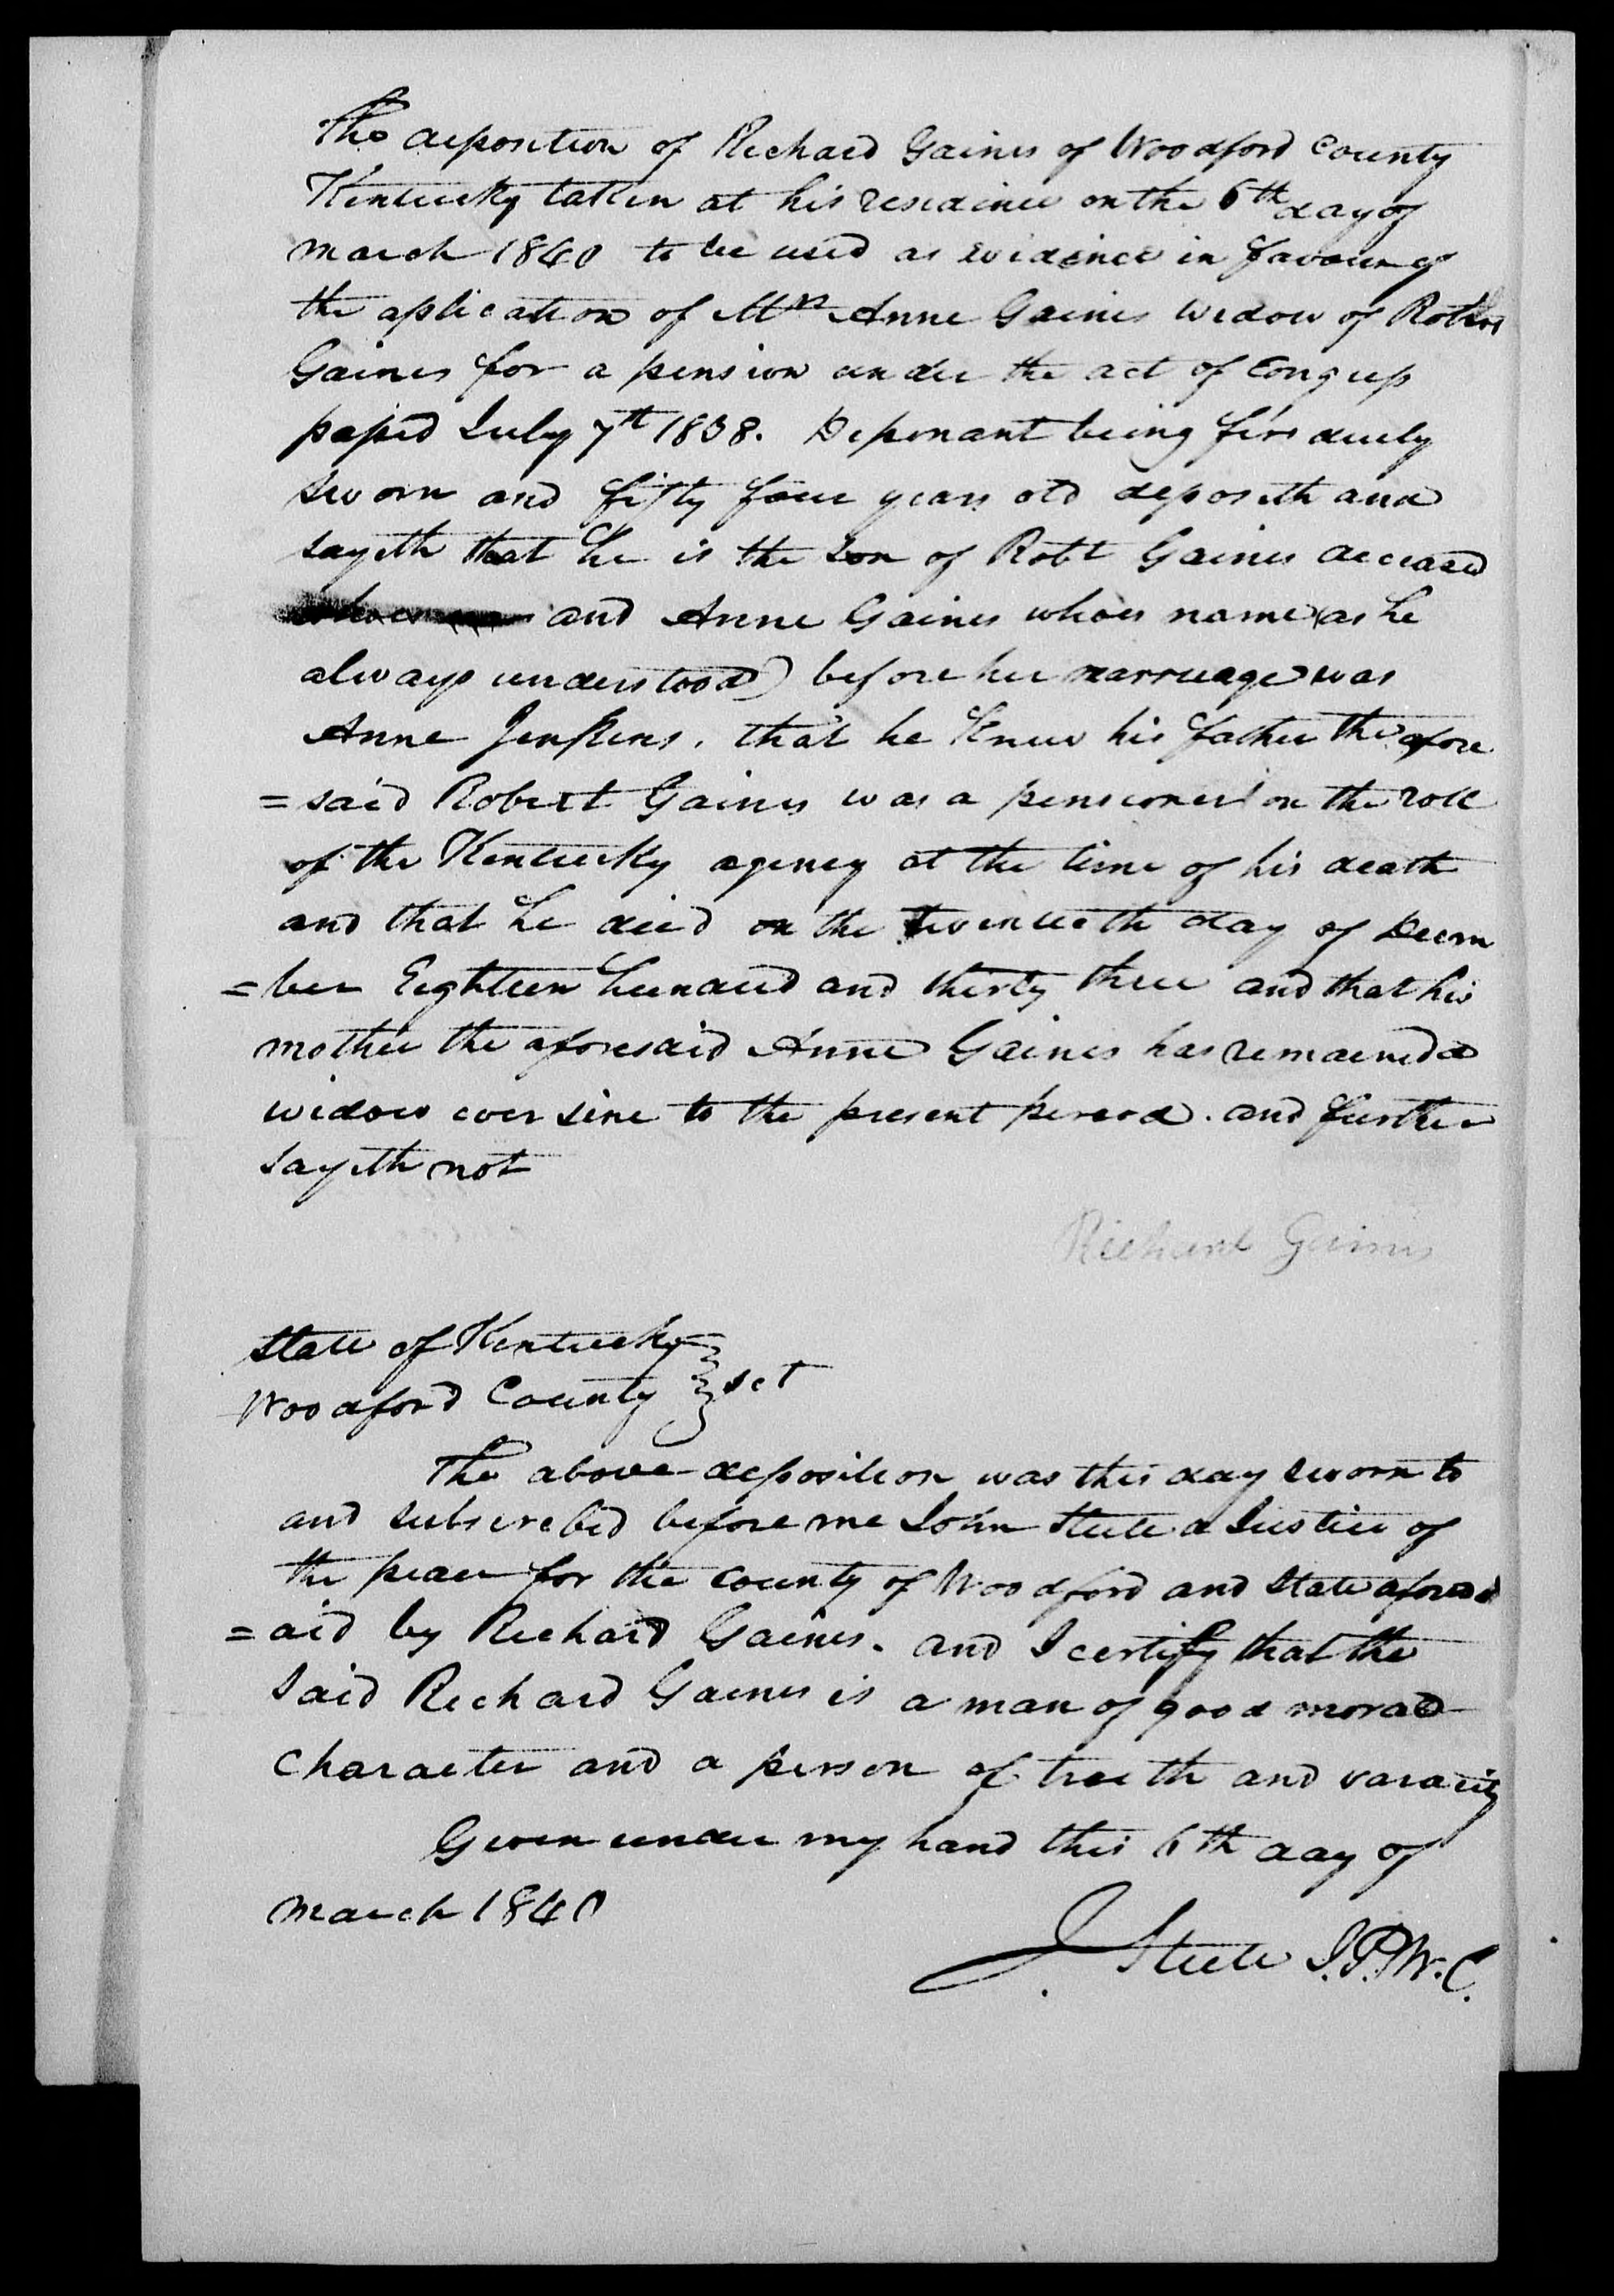The deposition of Richard Gaines of Woodford County
Kentucky taken at his residence on the 6th day of
March 1840 to be used as evidence in favour of
the aplication of Mrs Anne Gaines Widow of Robert
Gaines for a pension under the act of Congress
passed July 7th 1838. Deponant being first duly
Sworn and fifty four years old deposeth and
sayeth that he is the son of Rob't Gaines deceased
[crossed out] whose [/crossed out] and Anne Gaines whose name as he
always understood before her marriage was
Anne Jenkins, that he knew his father the aforesaid
Robert Gaines was a pensioner on the roll
of the Kentucky agency at the time of his death
and that he died on the twentieth day of December
Eighteen hundred and thirty three and that his
mother the aforesaid Anne Gaines has remained as
widow ever time to the present period, and further
sayeth not
Richard Gaines

State of Kentucky
Woodford County } Sct
The above deposition was this day sworn to
and subscribed before me John Steele a Justice of
the peace for the County of Woodford and State aforesaid
by Richard Gaines. and I certify that the
said Richard Gaines is a man of Good moral
character and a person of truth and varacity
Given under my hand this 6th day of
March 1840
J Steele J.P.W.C.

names: Richard Gaines, Anne Gaines, Richard Gaines, Anne Jenkins, Robert Gaines, Anne Gaines, Robt Gaines, Richard Gaines, John Steele, Richard Gaines, J Steele, Robert Gaines, Anne Gaines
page: 15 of 79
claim: rejected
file: R. 3863, Robert Gaines, Va.